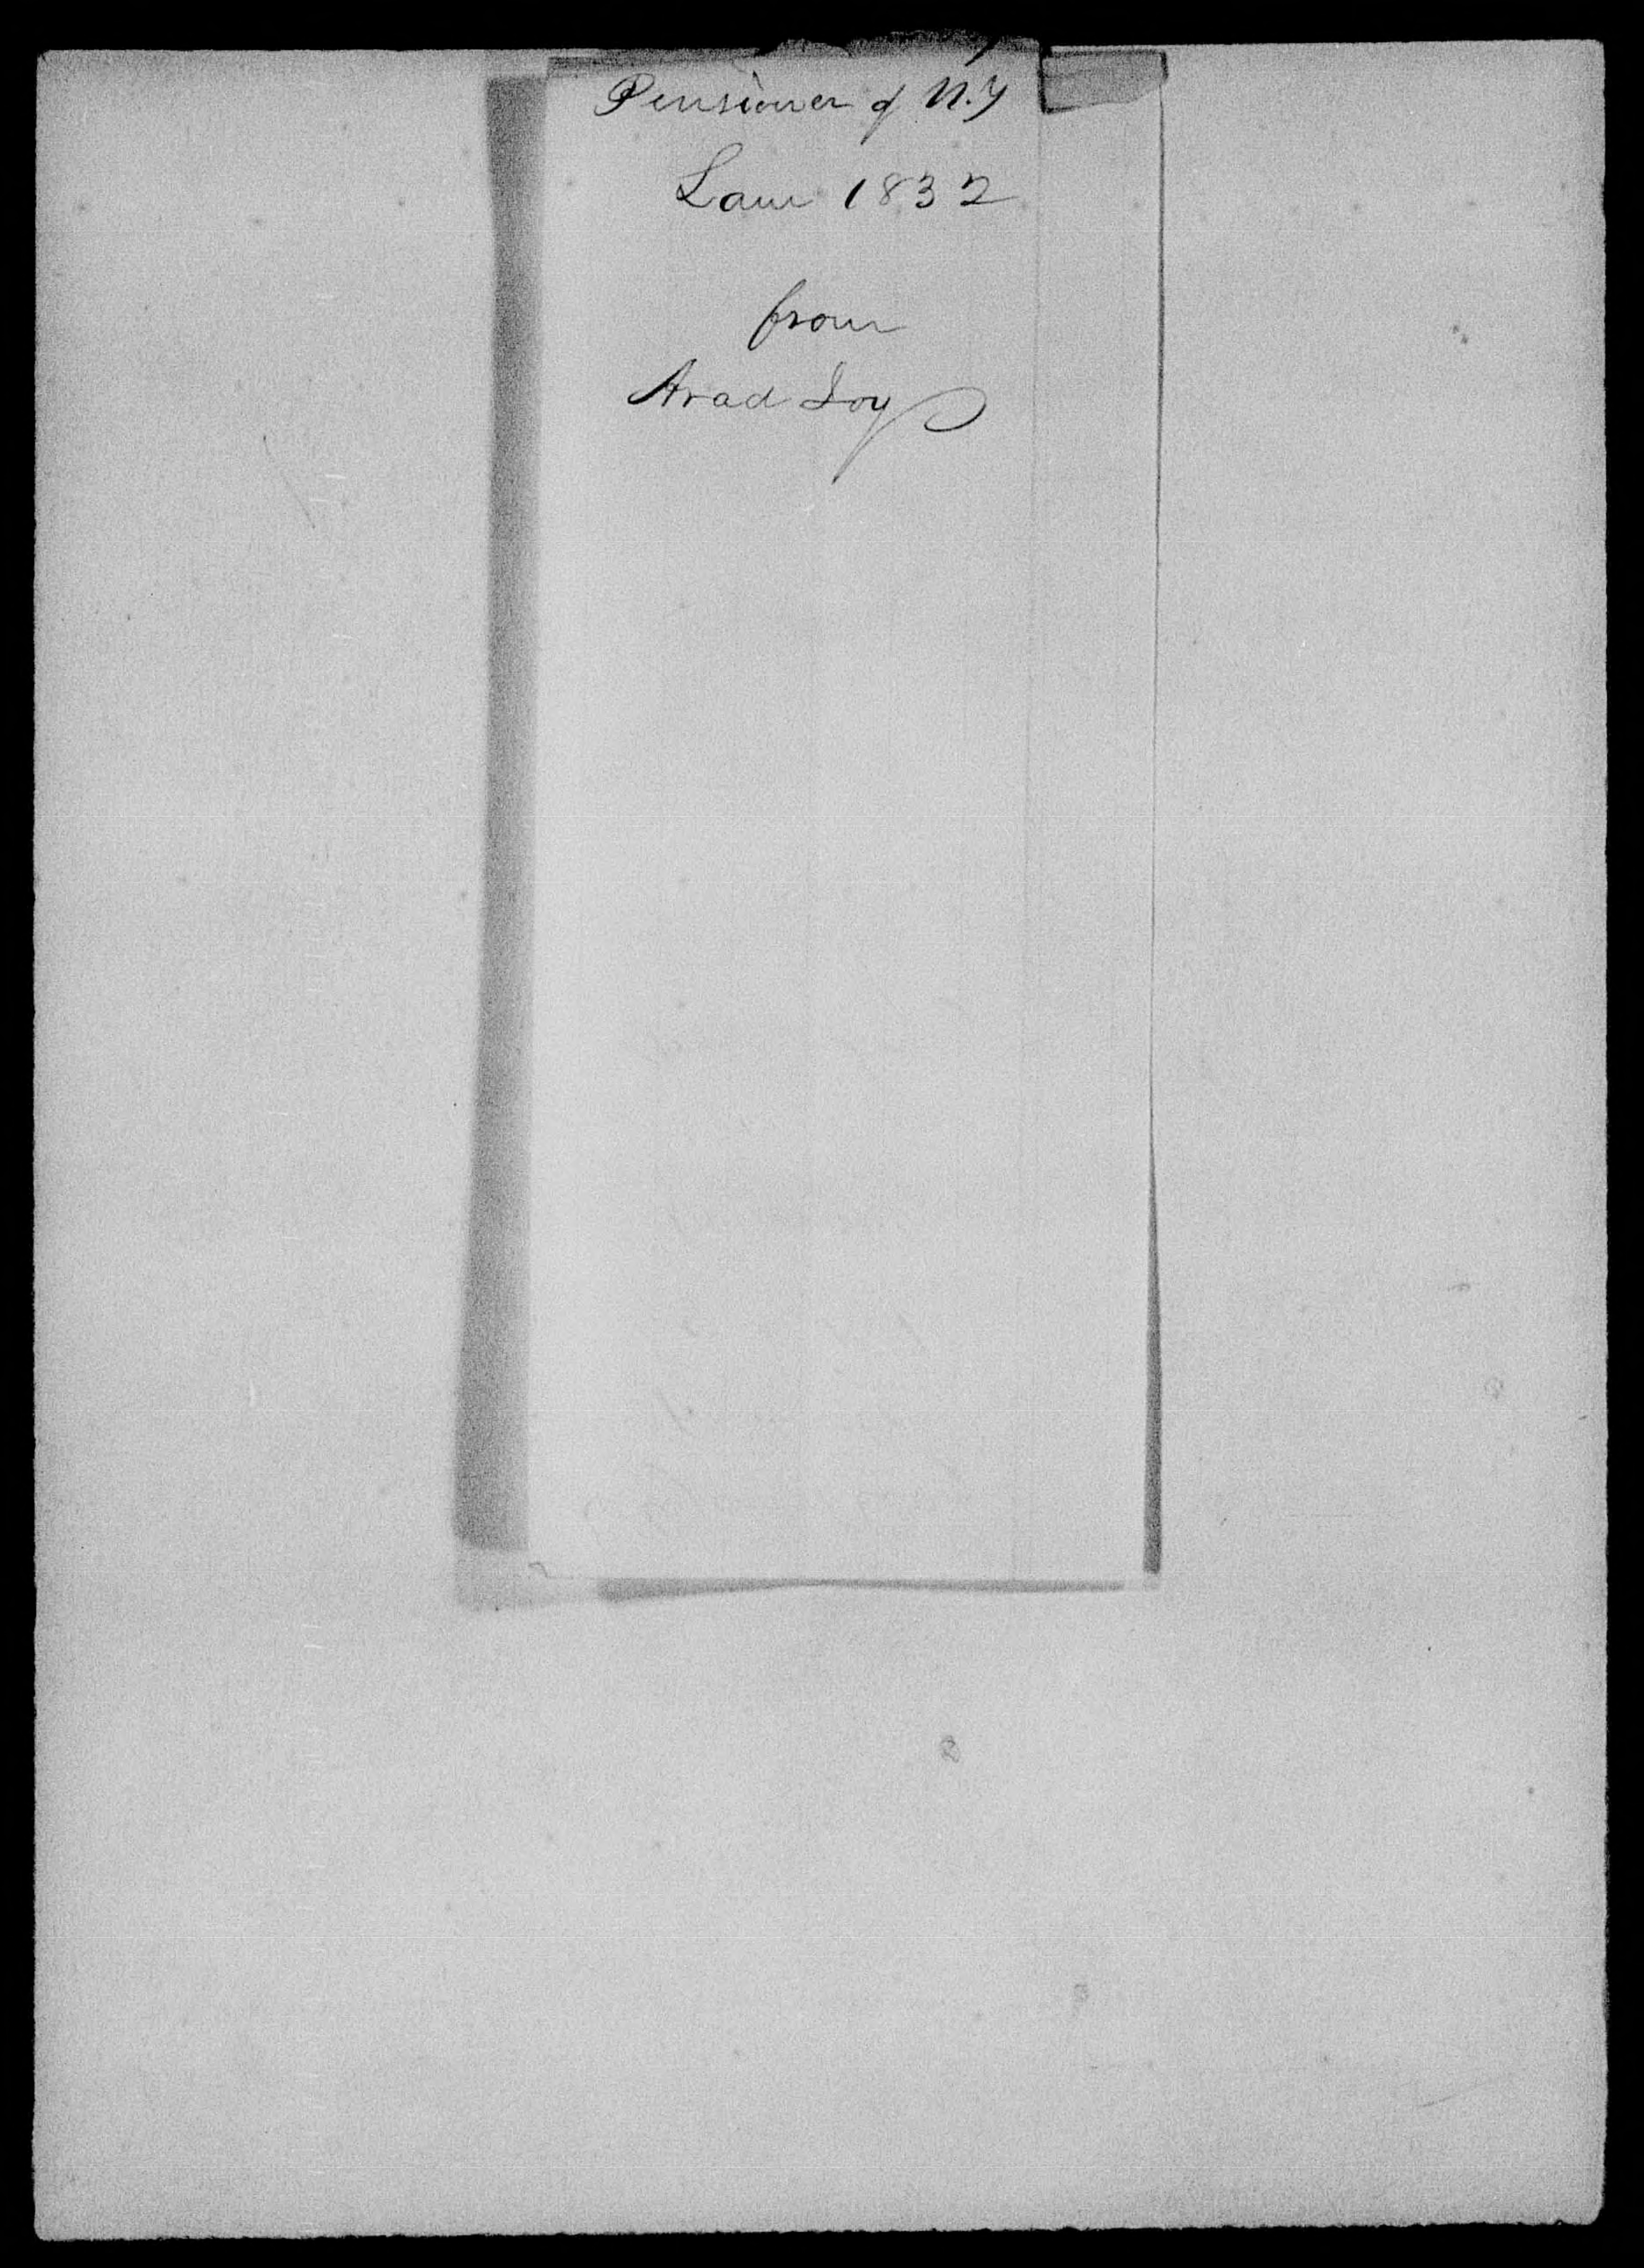Pensioner of N.Y. 
Law 1832
from Arad Joy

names: Arad Joy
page: 10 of 80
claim: survivor's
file: S. 18008, Thomas Harvey, N.H.